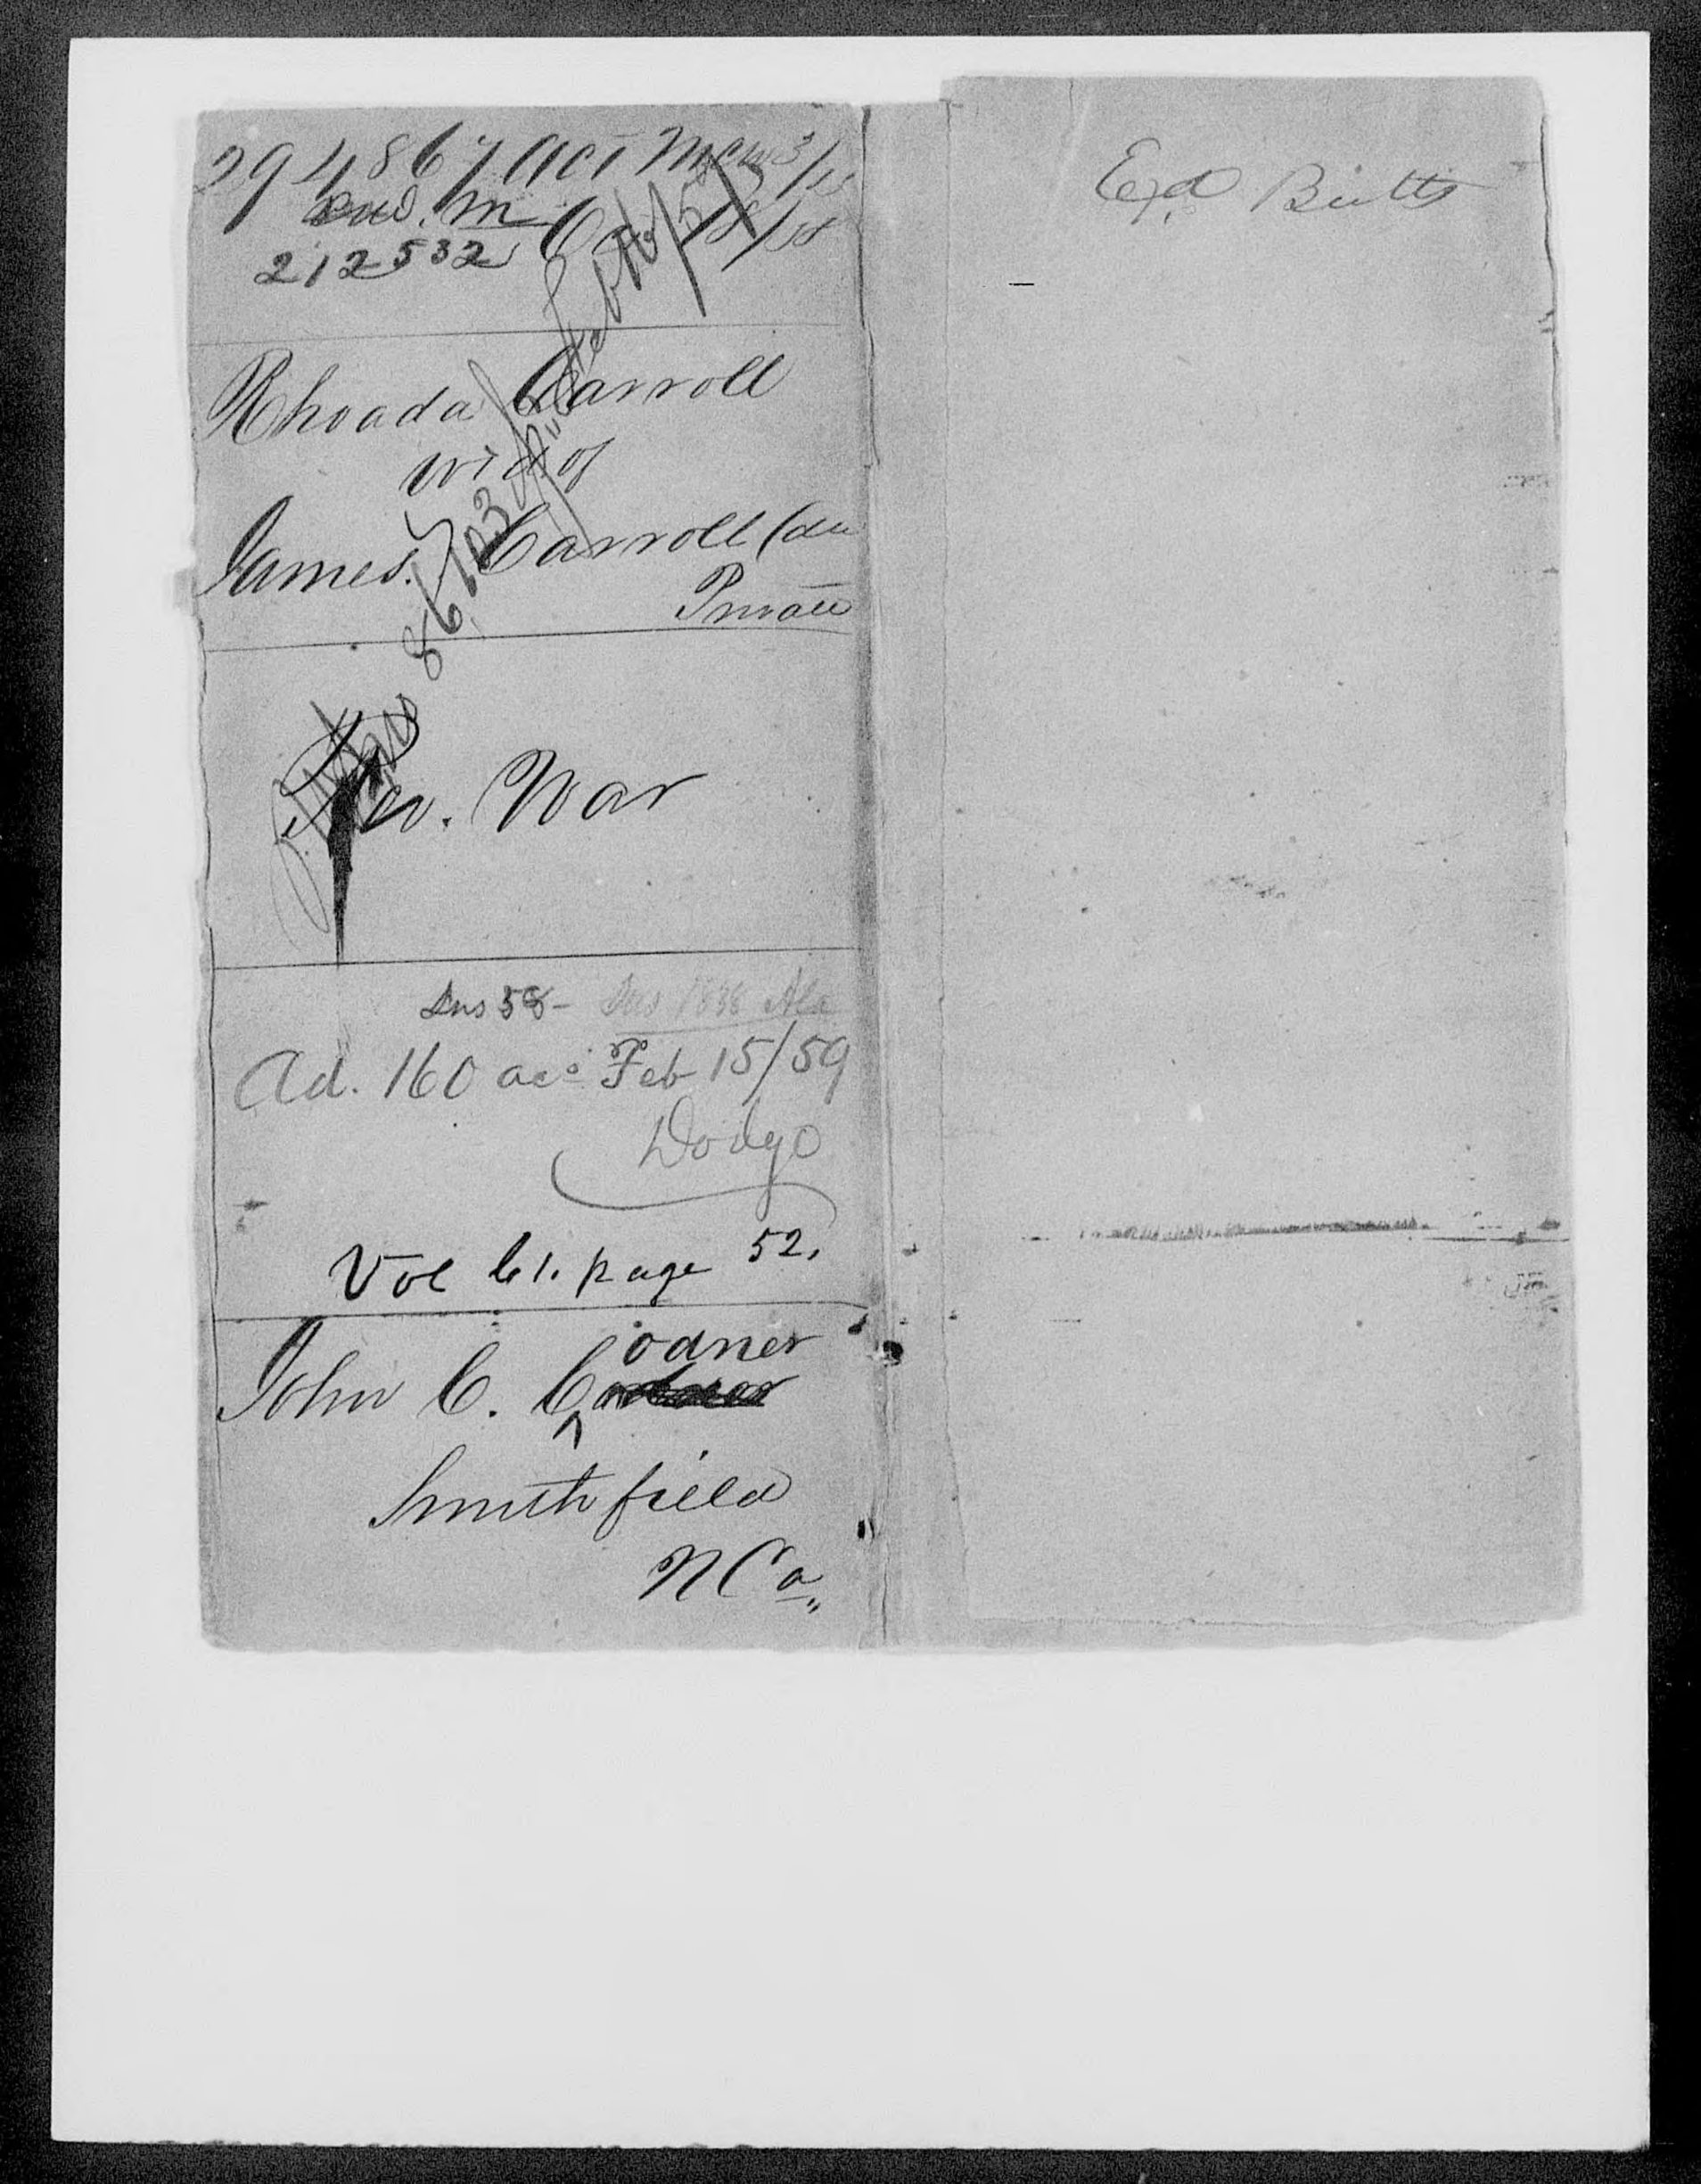[left side of page]
294867 Act Mar 3/[illegible]
[illegible] [illegible]
212532 [illegible]

Rhoada Carrell
wid of 
James Carrell 9dec  
Private

REv. War

Ins 58-[ 1838 Ala

Ad 160 Acr Feb 15/59
Dodyo
vol 61. page 52

John C. Codner
Smithfield
N Ca.

[diagonally over other script]
[illegible] 86103 Issu Feb 16/[illegible]

[right side of page]
Exd Bults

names: John C Codner, James Carroll, Rhoada Carroll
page: 12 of 86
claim: widow's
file: W. 6899, James Carrell, N.C.